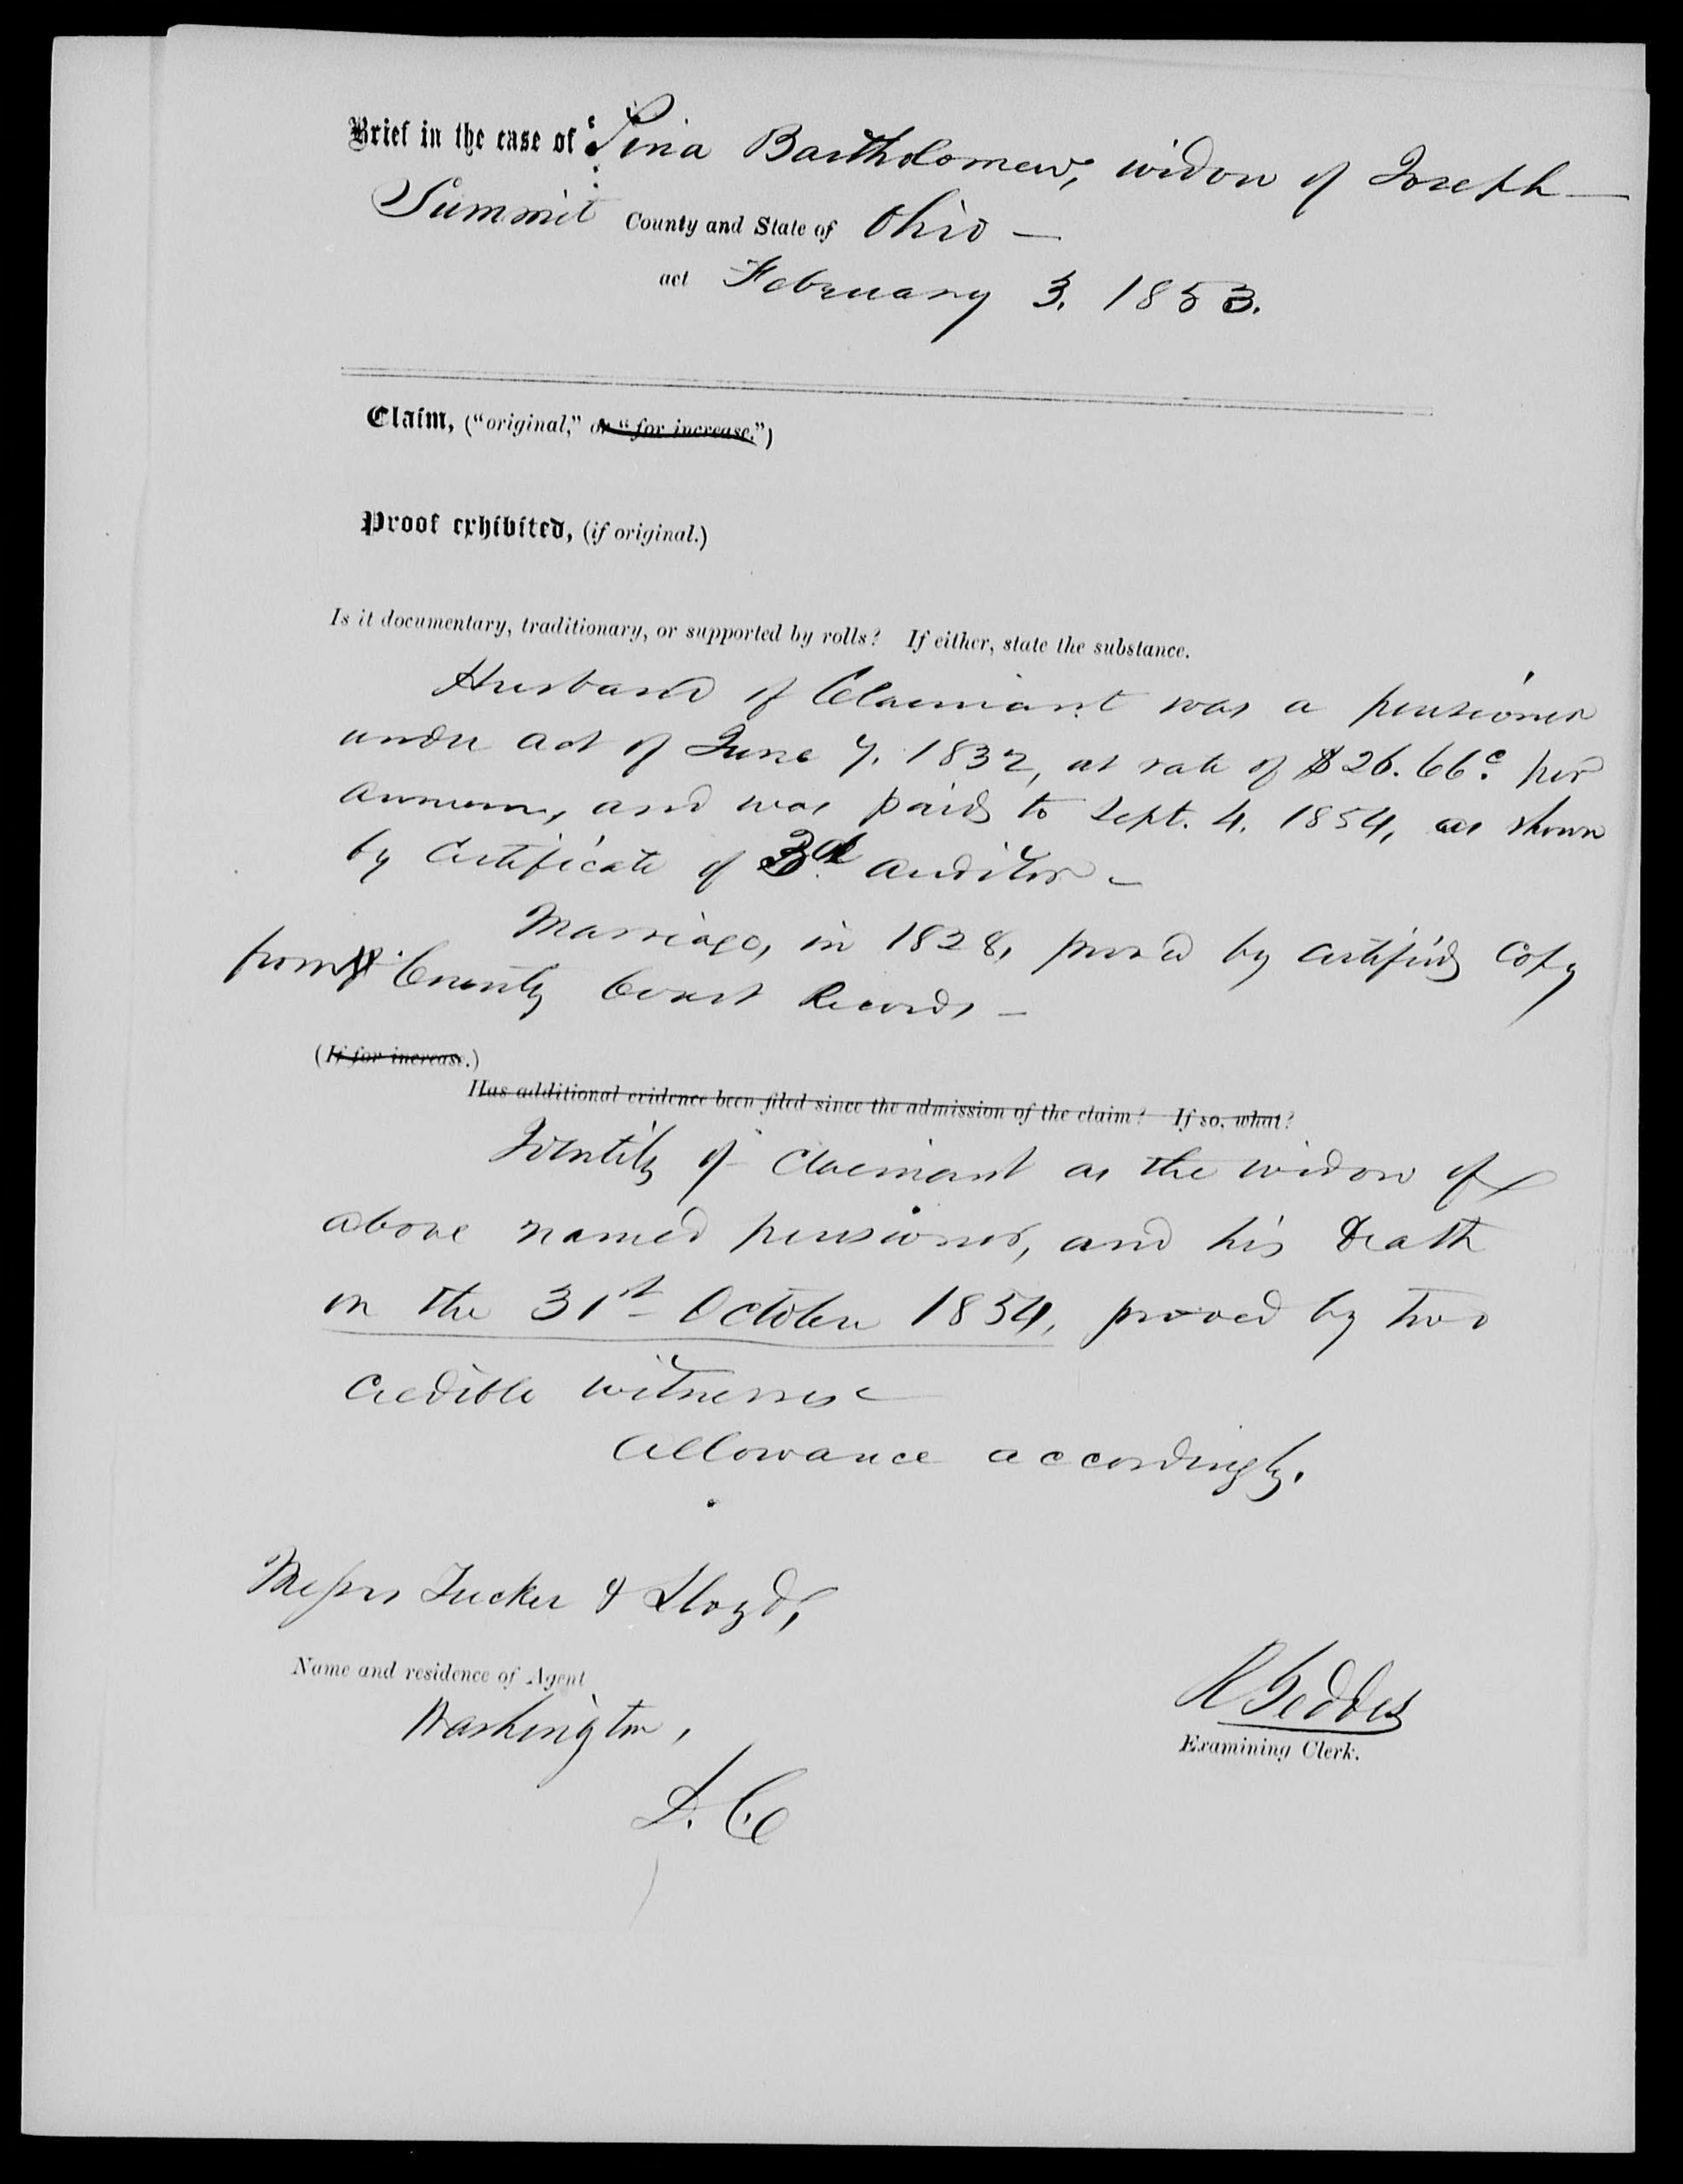Brief in the case of Sina Bartholomew, widow of Joseph
Summit County and State of Ohio-
act February 3, 1853
Claim, original
Proof exhibited, (if original)
Is it documentary, traditionary, or supported by rolls? If either state the substance
Husband of Claimant was a pensioner
under act of June 7, 1832, at rate of $26.66 per
annum, and was paid to Sept 4, 1854, as shown
by certificate of 3d auditor
Marriage, in 1828, proved by certified Copy
from County Court Records
Identity of claimant as the widow of 
above named pensioner, and his death
on the 31st October 1854, proved by two credible
witnesses
Allowance accordingly.
Messrs Tucker & Lloyd
Name and residence of Agent
Washington, D. C.

R Geddes
Examining Clerk.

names: Joseph Summit, R Goddes, Tucker, Sina Bartholomew, Lloyd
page: 52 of 76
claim: widow's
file: W. 9345, Joseph Bartholomew, Conn.